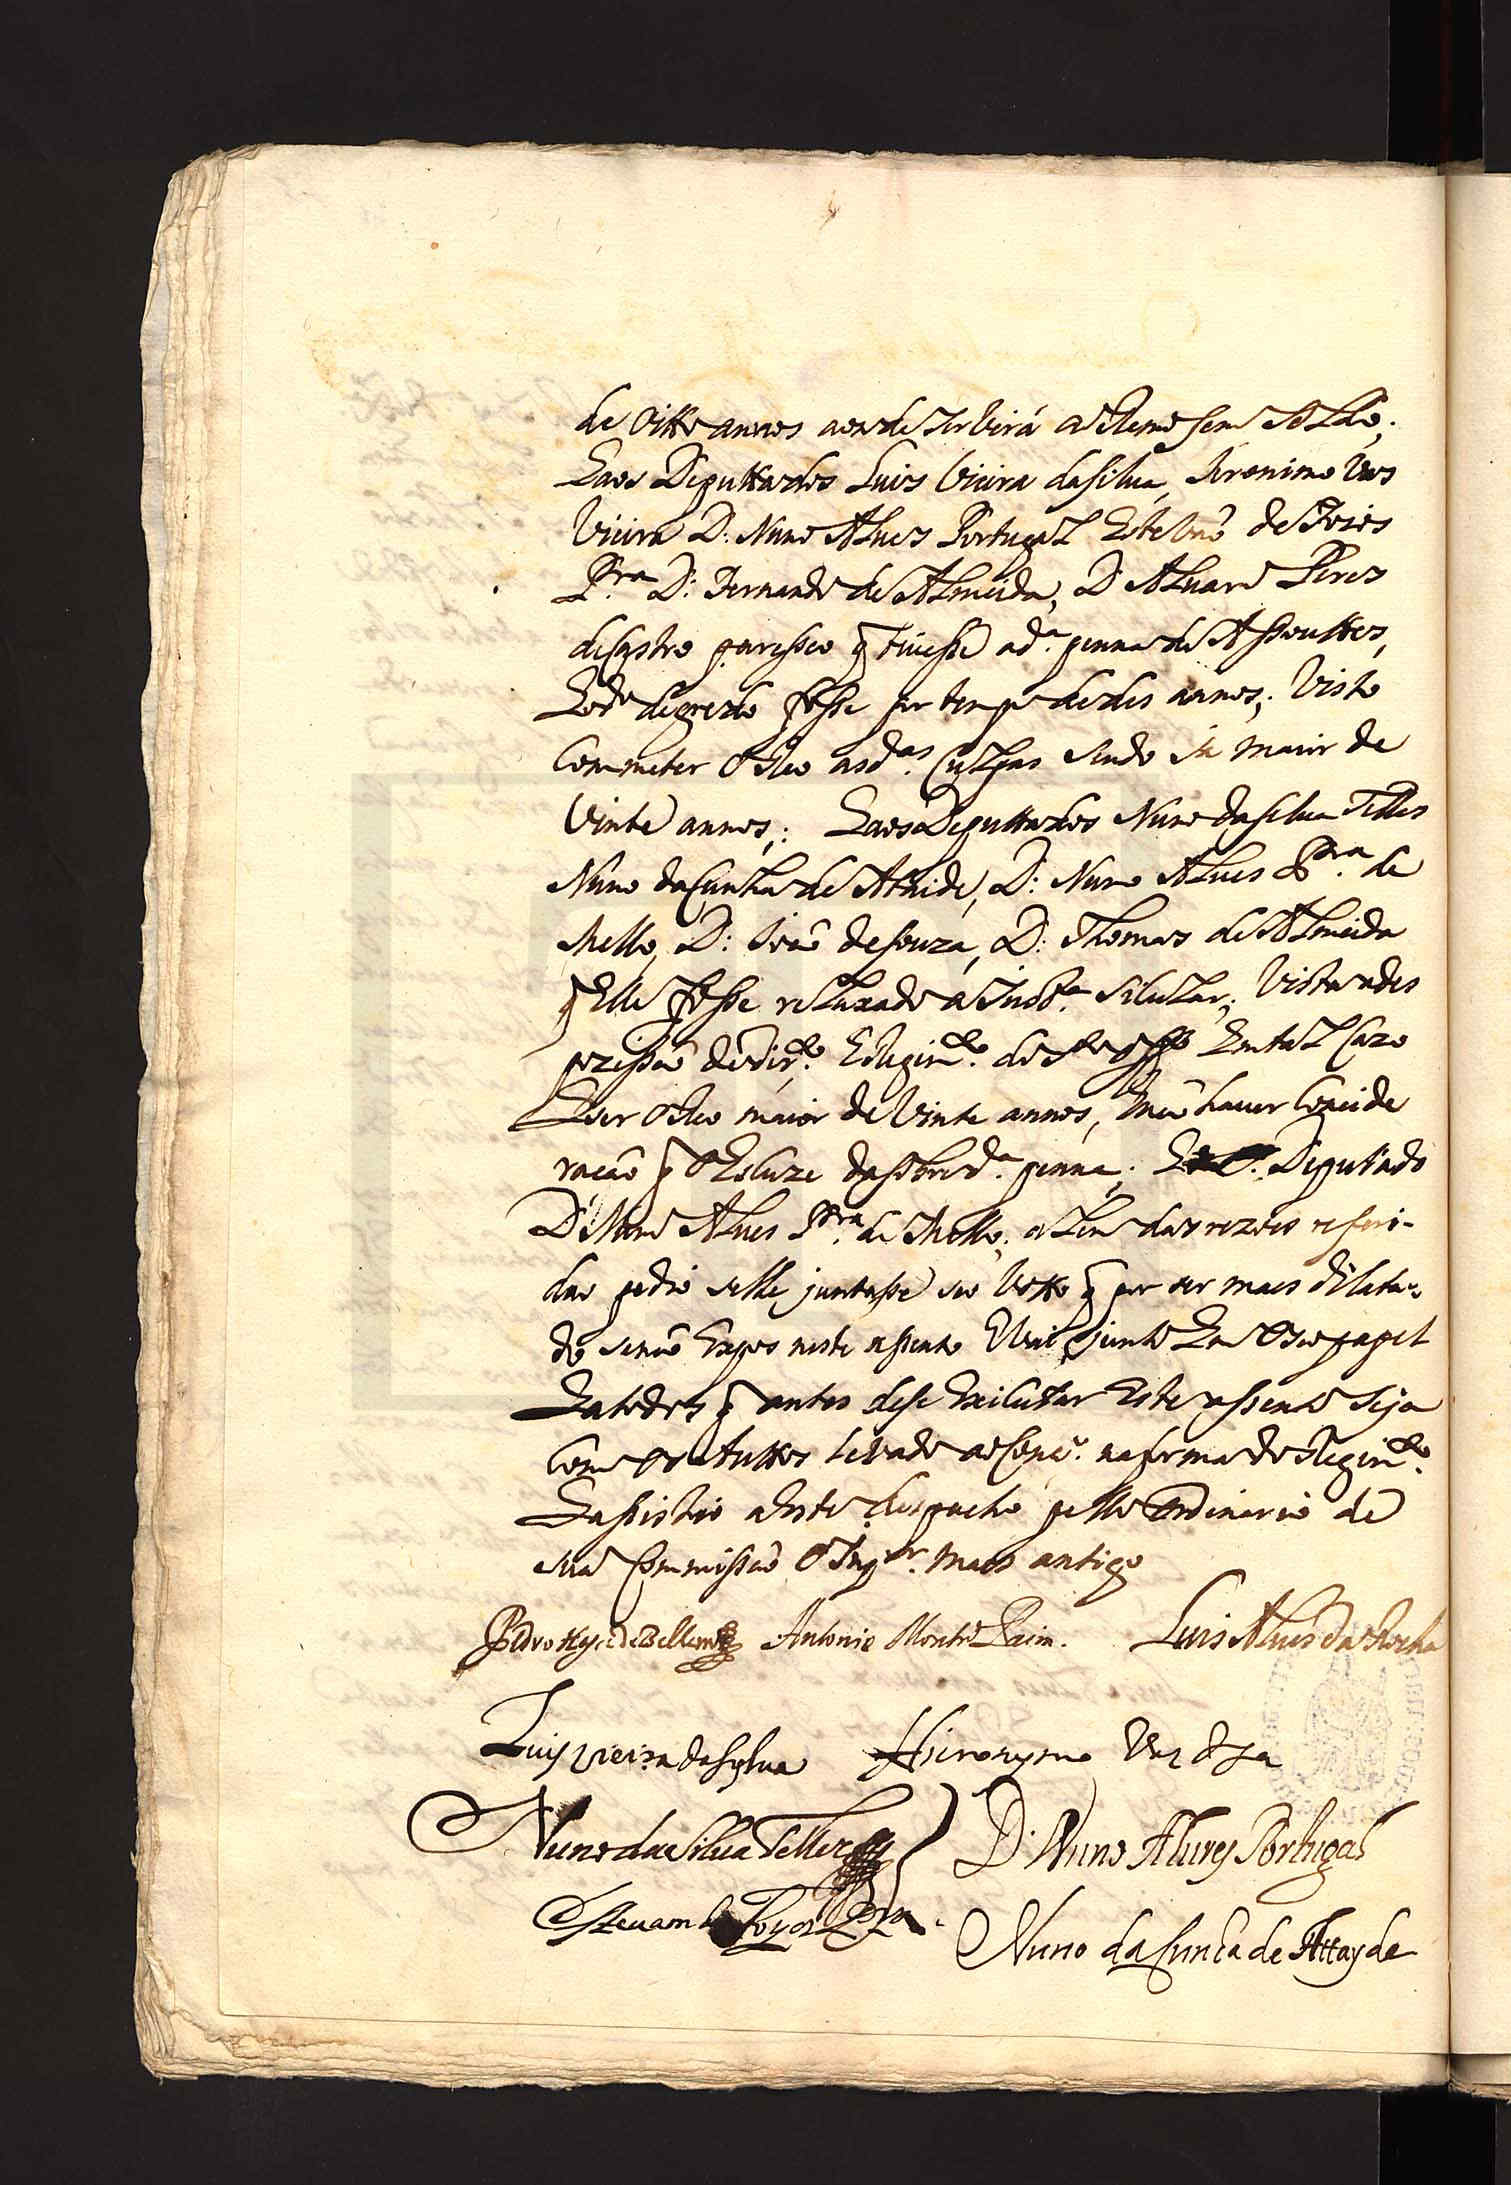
de oitto annos aonde servirá a Remo sem soldo;
E aos Deputtados Luis Vieira da Silua, Jeronimo vas
Vieira D: Nuno Alues Portugal Estevaõ de Foios
P.ra D: Fernando de Almeida, D Aluaro Peres
de Castro paresseo q̄ tiuesse a d.a penna de Assouttes
E o do degredo fosse por tempo de des annos; visto
Commeter o Reo as d.as Culpas sendo ja maior de
Vinte annos: E aos Deputtados Nuno da silua Telles
Nuno da Cunha de Ataide, D: Nuno Alues P.ra de
Mello, D. Ioaõ de souza, D: Thomas de Almeida
q̄ Elle fosse relaxado a Iust.a siCular; Vista a des
pozissaõ de dir.to E Regim.to do s.to offo Em taL Cazo
E ser o Reo maior de Vinte annos, E naõ hauer Concide
raçaõ q̄ o EsCuze da sobred.a penna; E o Deputado
D Nuno Alues P.ra de Mello; alem das rezoes referi
das pedio se lhe juntasse seo votto q̄ por ter maes dilata
do senaõ Expos neste assento E vai junto Em o seo papel
E a todos q̄ antes de se ExiCutar Este assento seja
Com os Auttos levado ao Conc.o na forma do Regim.to
E assistio a Este despacho pello ordinario de
sua Commissaõ o Inq.or mais antigo
Pedro Hasse de Bellem Antonio Montro Paim. Luis Alues da Rocha
Luis vieira da sylua
Hieronymo Vaz d̄ Sa
Nuno da Silua Tellez D. Nuno Alures Portugal
Esteuam d_ Foyo P.ra
Nuno da Cunha de Attayde
